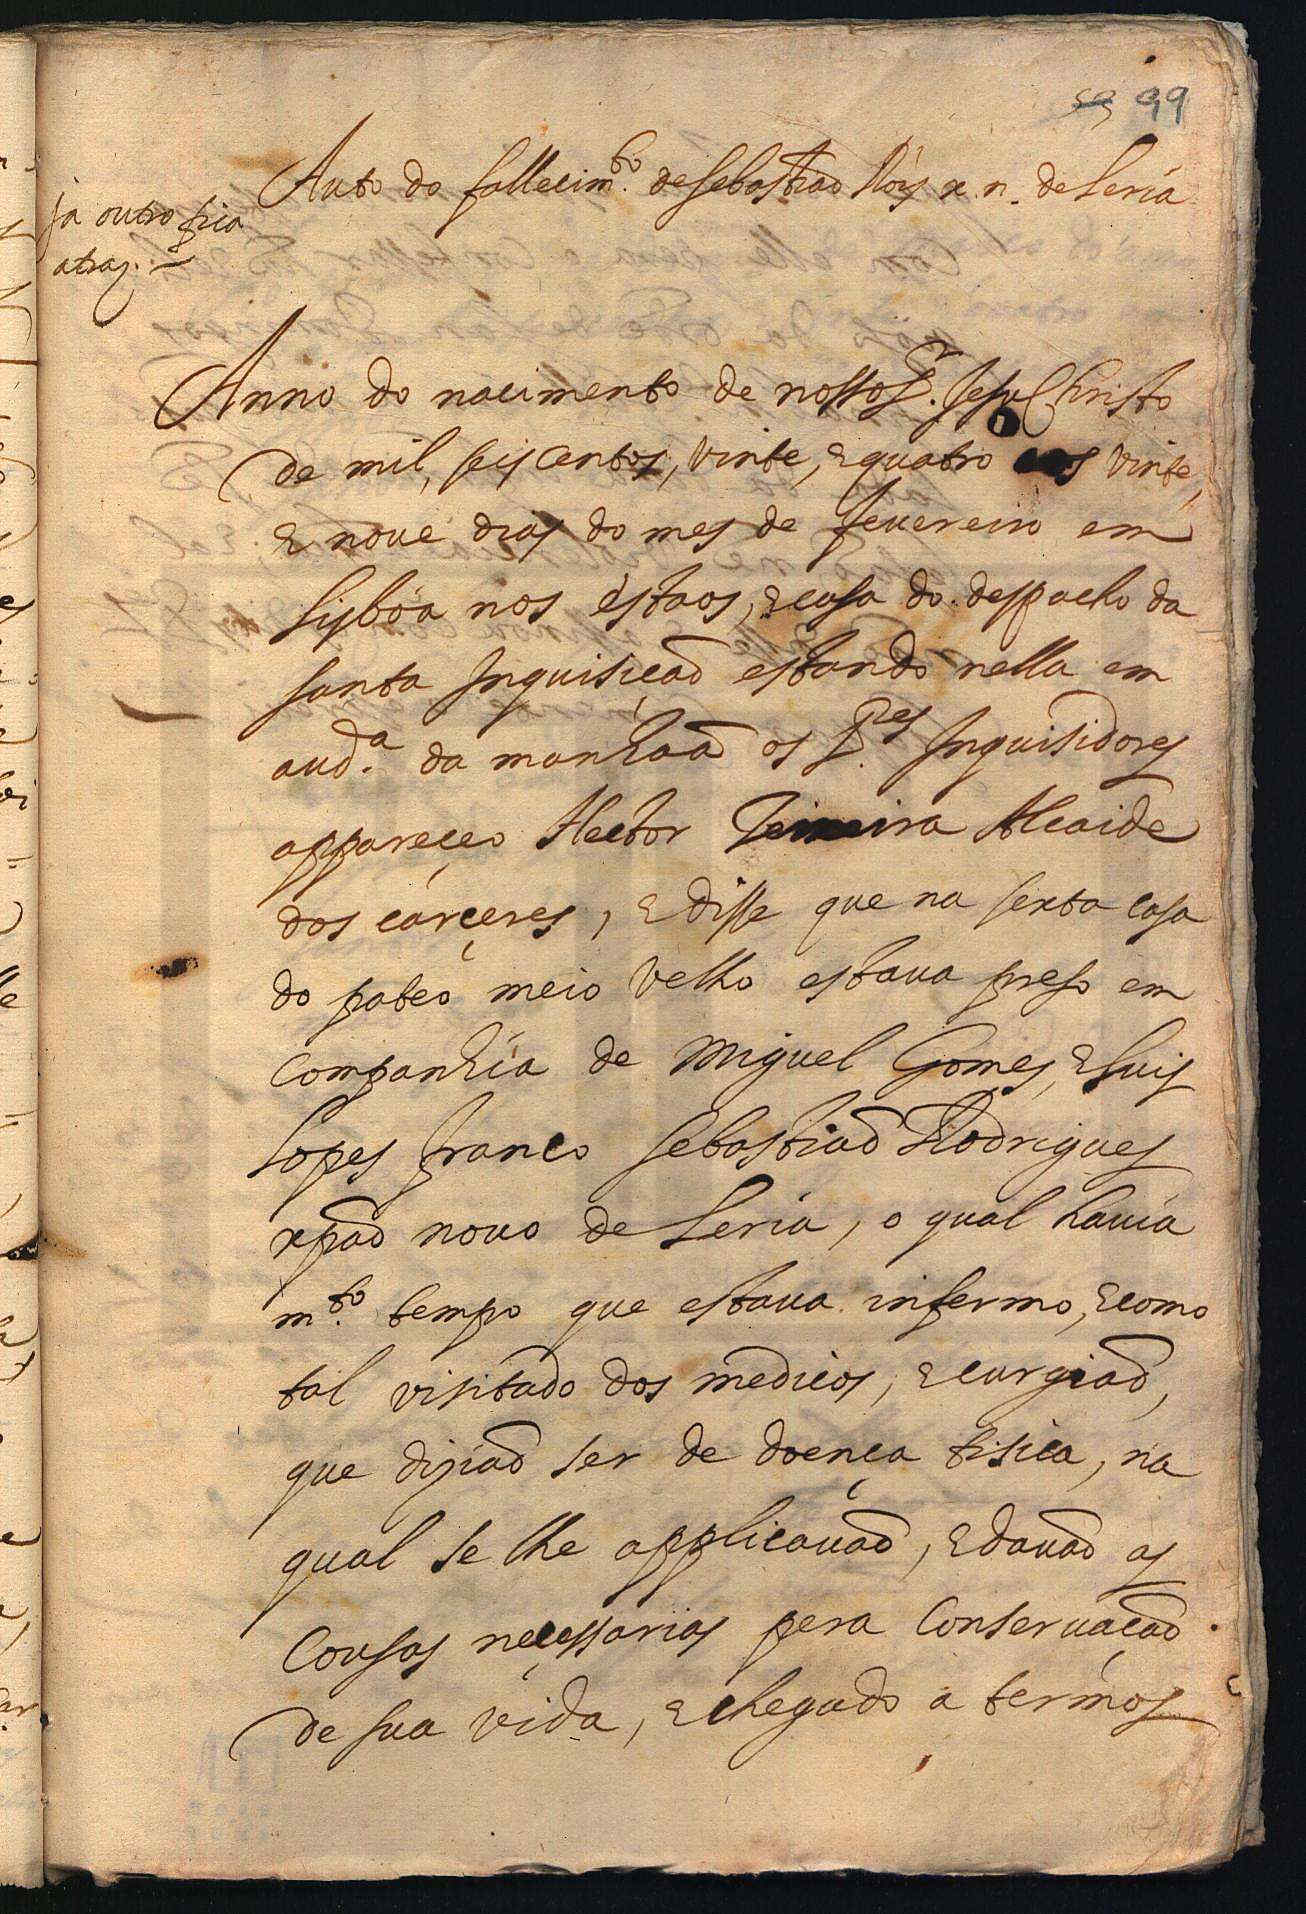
Auto do fallecim.to de sebastião Roīs x. n. de Leria
ja outro fica
atraz.
Anno do nacimento de nosso s.r Jesu Christo
de mil, seiscentos, vinte, E quatro aos vinte,
E noue dias do mes de feuereiro em
Lisboa nos estaos, E casa do despacho da
santa Jnquisição estando nella em
aud.a da manhaã os s.res Jnquisidores
appareçeo Hector Teixeira Alcaide
dos carçeres, E disse que na sexta casa
do pateo meio velho estaua preso em
companhia de miguel Gomes, E Luis
Lopes franco sebastiaõ Rodrigues
xpão nouo de Leria, o qual hauia
m.to tempo que estaua infermo, E como
tal visitado dos medicos, E curgiaõ,
que dizião ser de doença tisica, na
qual se lhe applicauão, E dauão as
Cousas neçessarias pera conseruação
de sua vida, E chegado a termos
